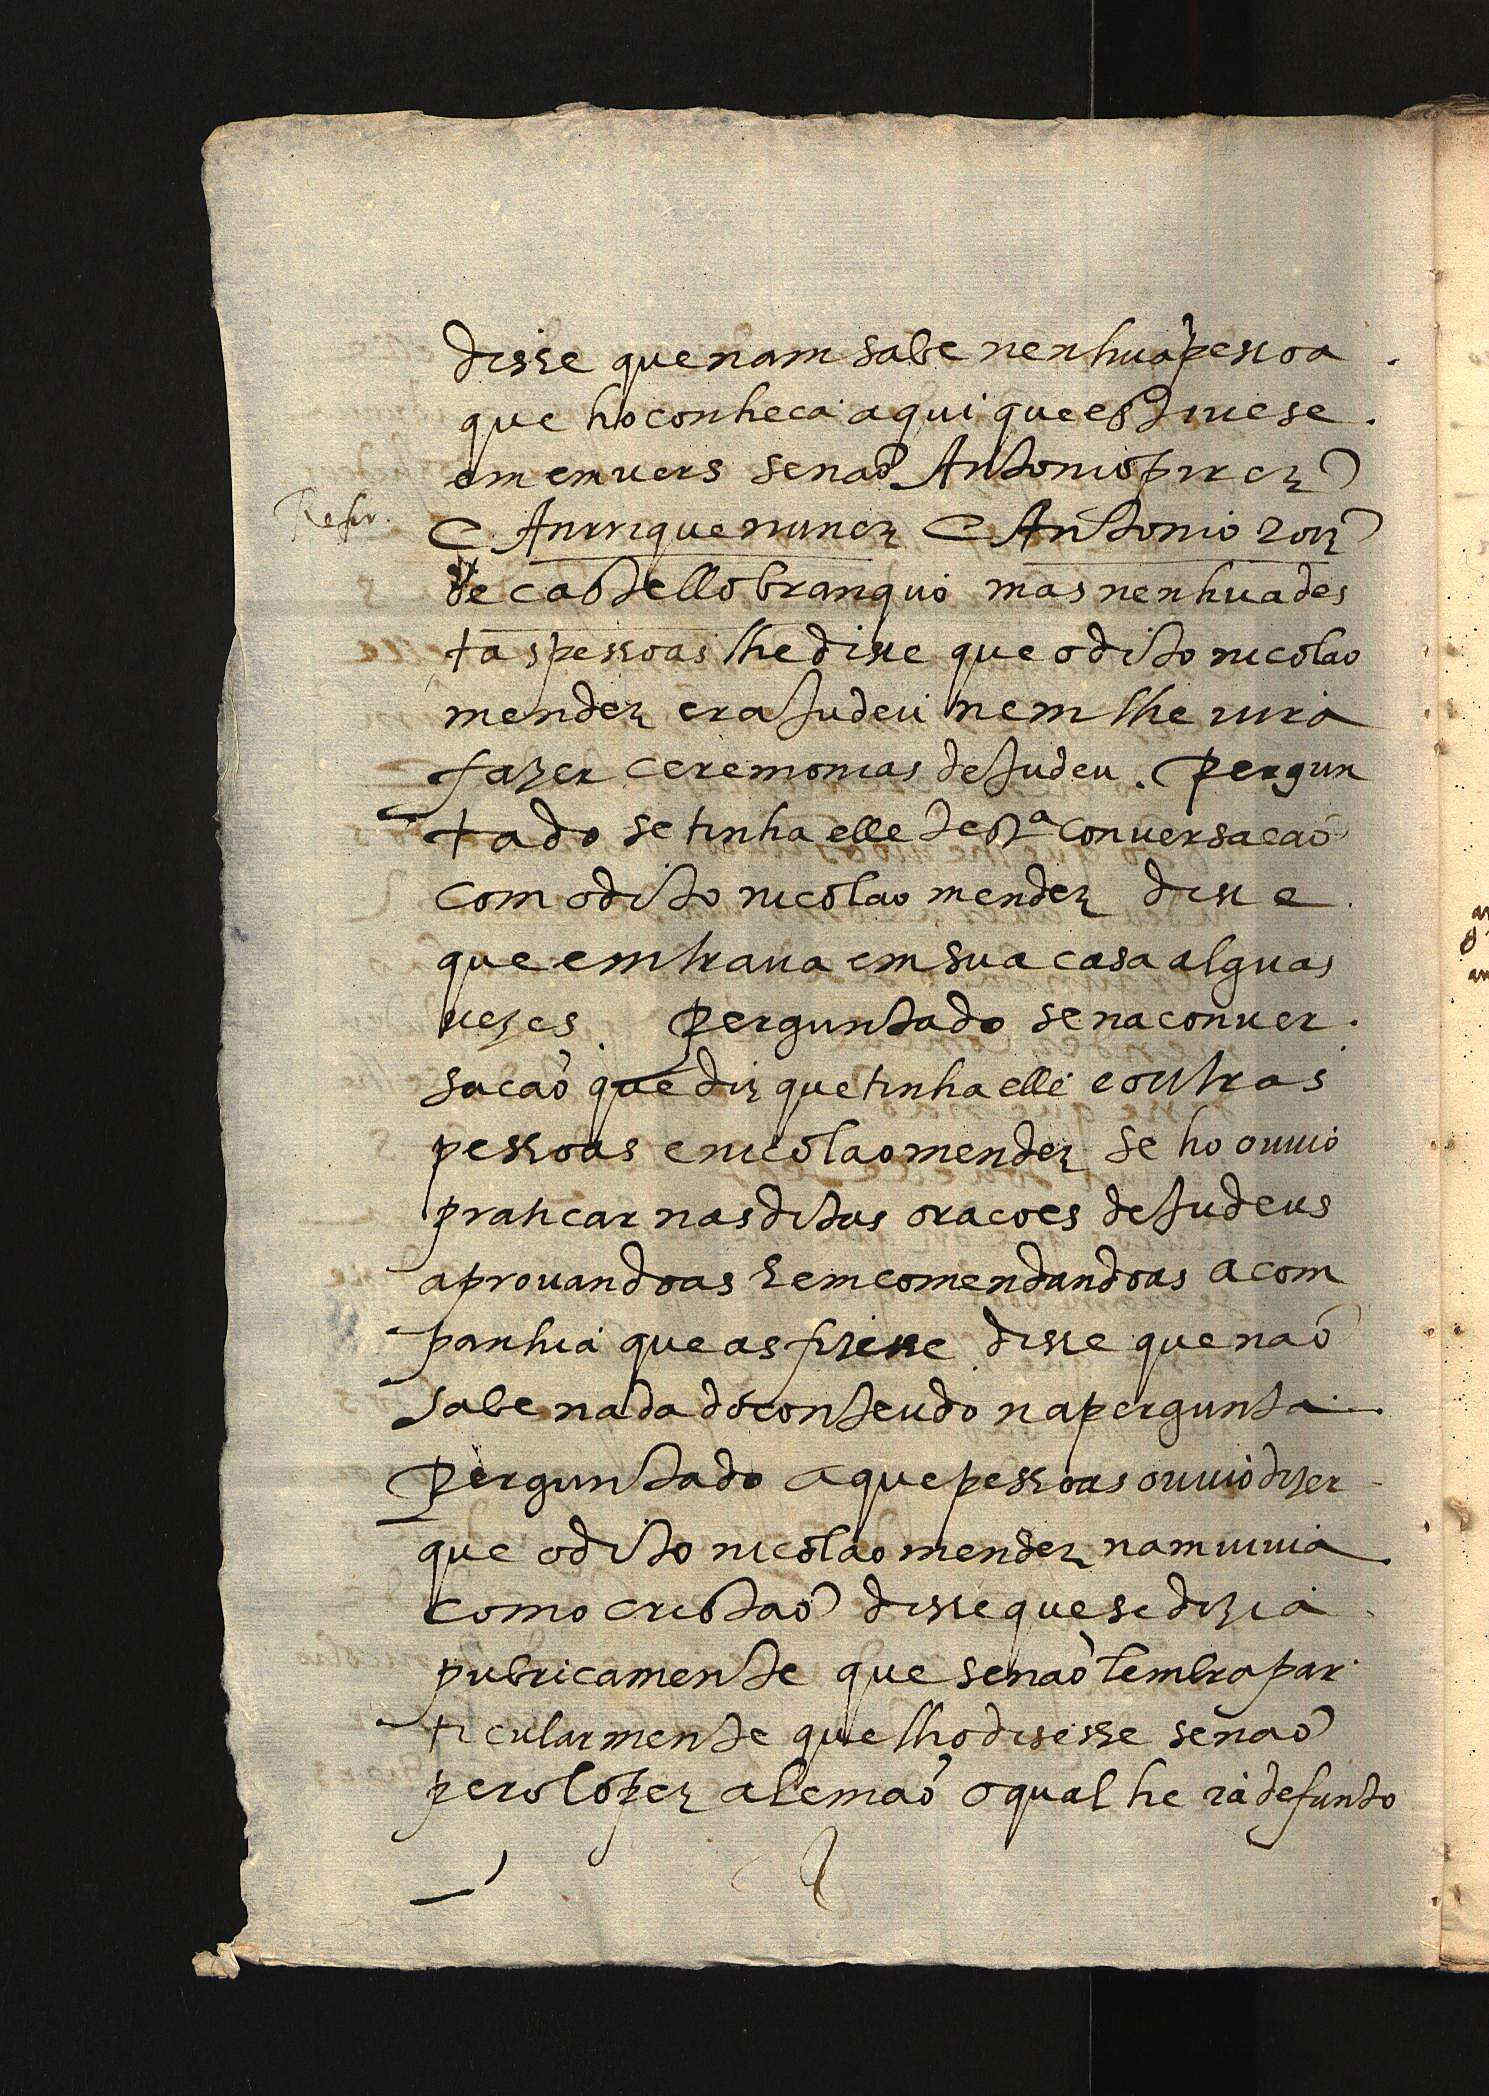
disse que nam sabe nenhuā pessoa
que ho conheca aqui que estiuese
em emuers senaõ Antonio pirez
e Anrrique nunez e Antonio roiz̄
de castello branquo mas nenhua des
tas pessoas lhe disse que o dito nicolao
mendez era Judeu nem lhe uira
fazer ceremonias de Judeu. pergun
tado se tinha elle testa conuersação
com o dito nicolao mendez disse
que emtraua em sua casa alguas
uezes. Perguntado se na conuer
sacaõ que diz que tinha elle e outras
pessoas e nicolao mendez se ho ouuiu
praticar nas ditas oracoes de Judeus
aprouandoas e emcomendandoas a com
panhia que as fizesse. disse que não
sabe nada do conteudo na pergunta.
Perguntado a que pessoas ouuio dizer
que o dito nicolao mendez nam uiuia
como cristaõ disse que se dizia
pubricamente que senaõ lembra par
ticularmente que lho disesse senaõ
pero lopez alemaõ o qual he ia defunto
